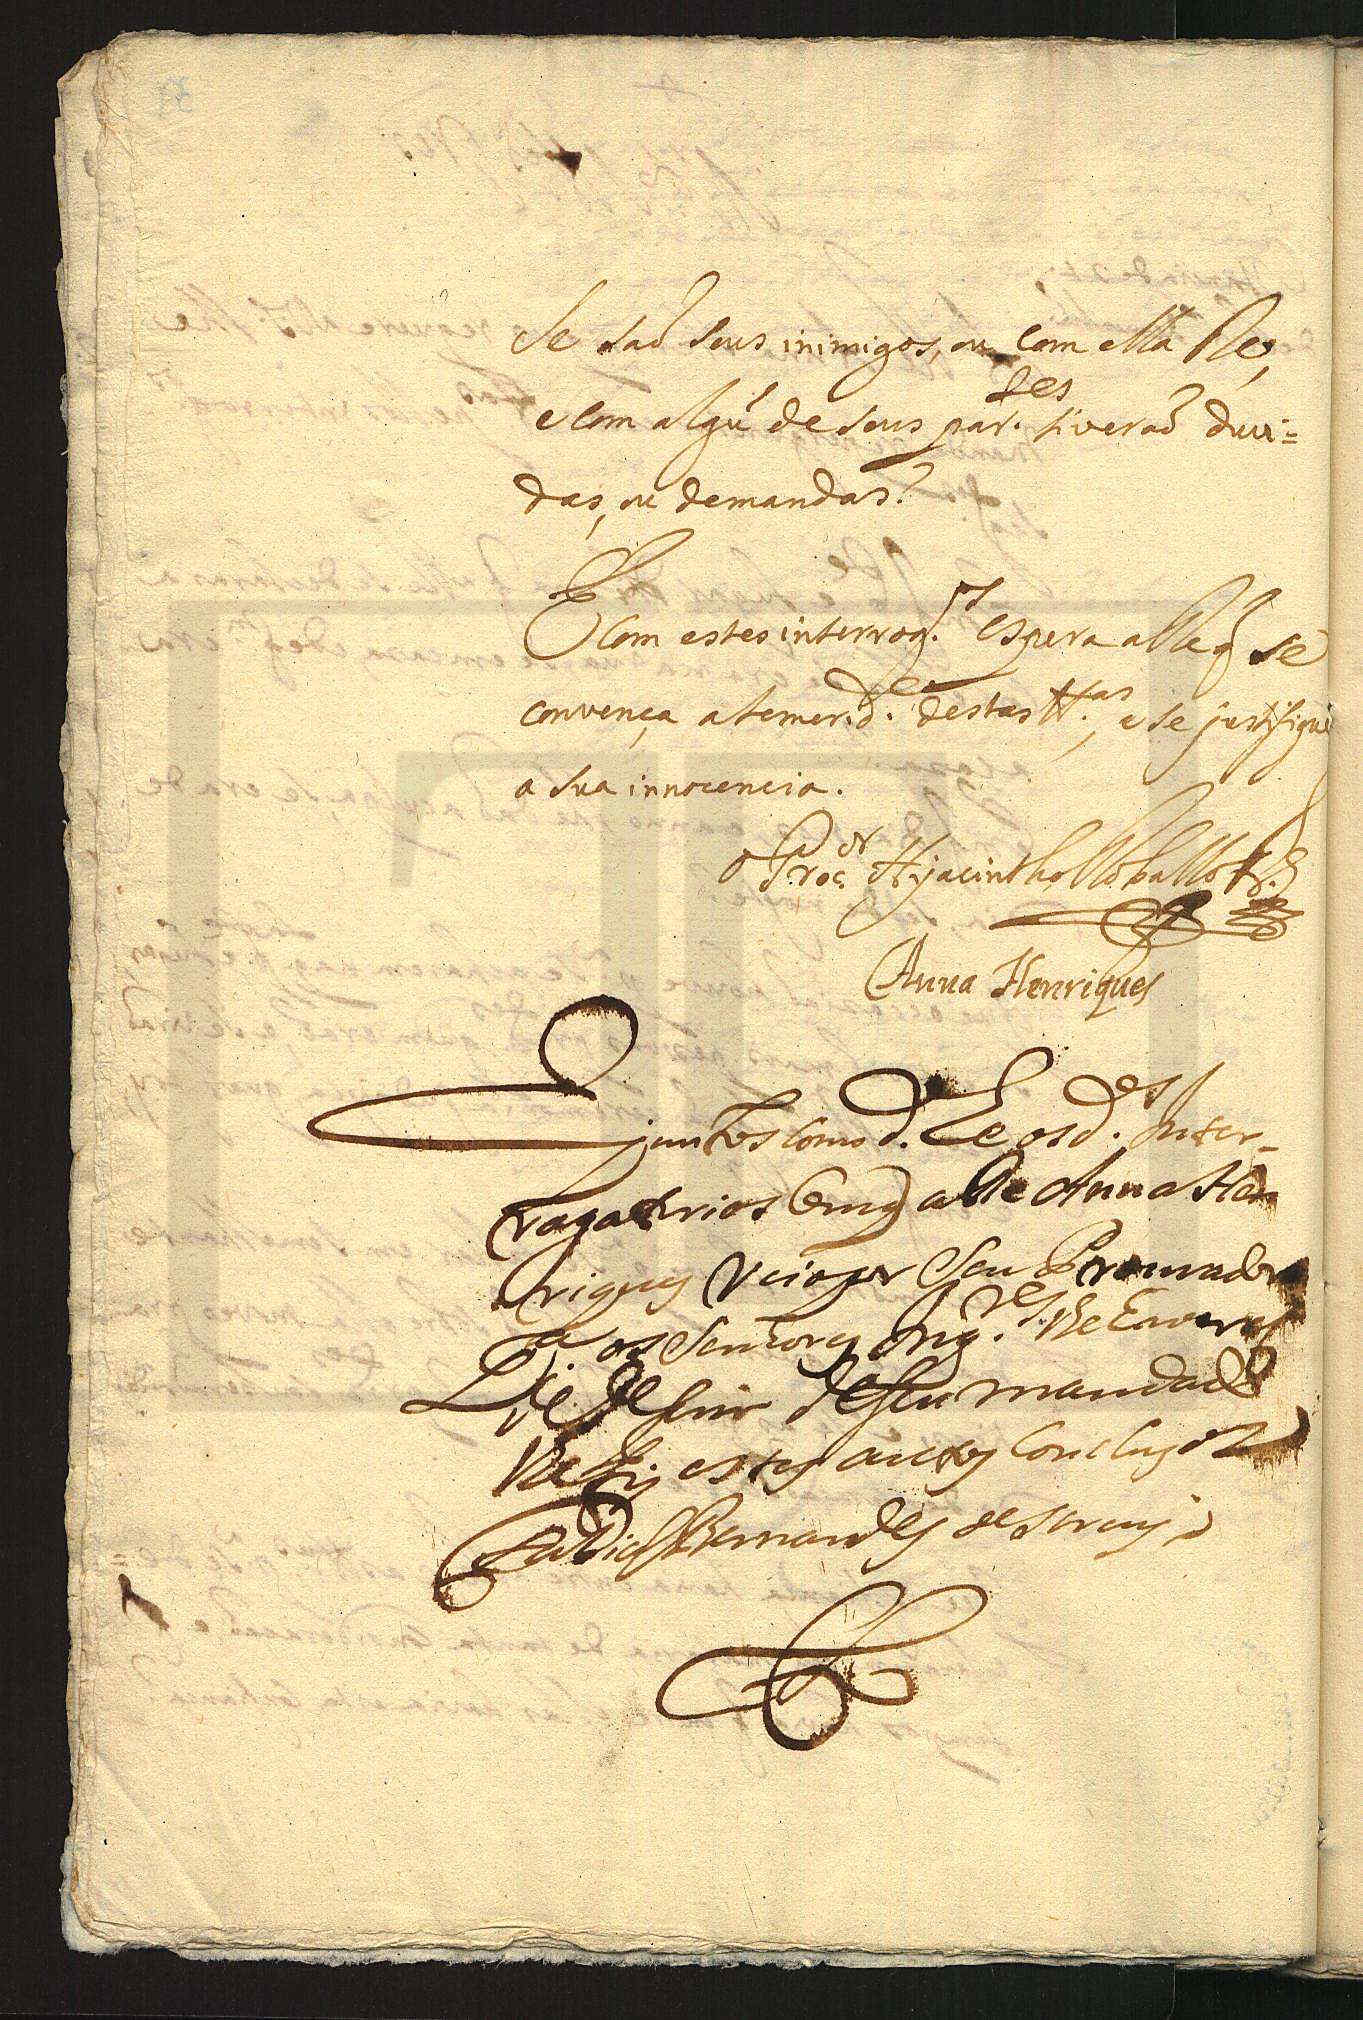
Se saõ seus inimigos, ou com ella Re,
e com algū de seus par.tes tiveraõ dui
das, ou demandas?
E com estes interrog.os espera a Re q̄ se
convença a temerid.e destas tt.as, e se justifiqu
a sua innocencia.
o Proc.or Hyacintho Roballo Fr.
Anna Henriques
E juntos como d.o he os d.os Inter
rogatorios Com q̄ a Re Anna Hen
riques veio por Seu Procurador
pa. os Senhores Inq.res lhe havereꝭ
de deferir de seu mandado
lhe fis estes autos Conclusoz
Fabiaõ Bernardes o escreuj
